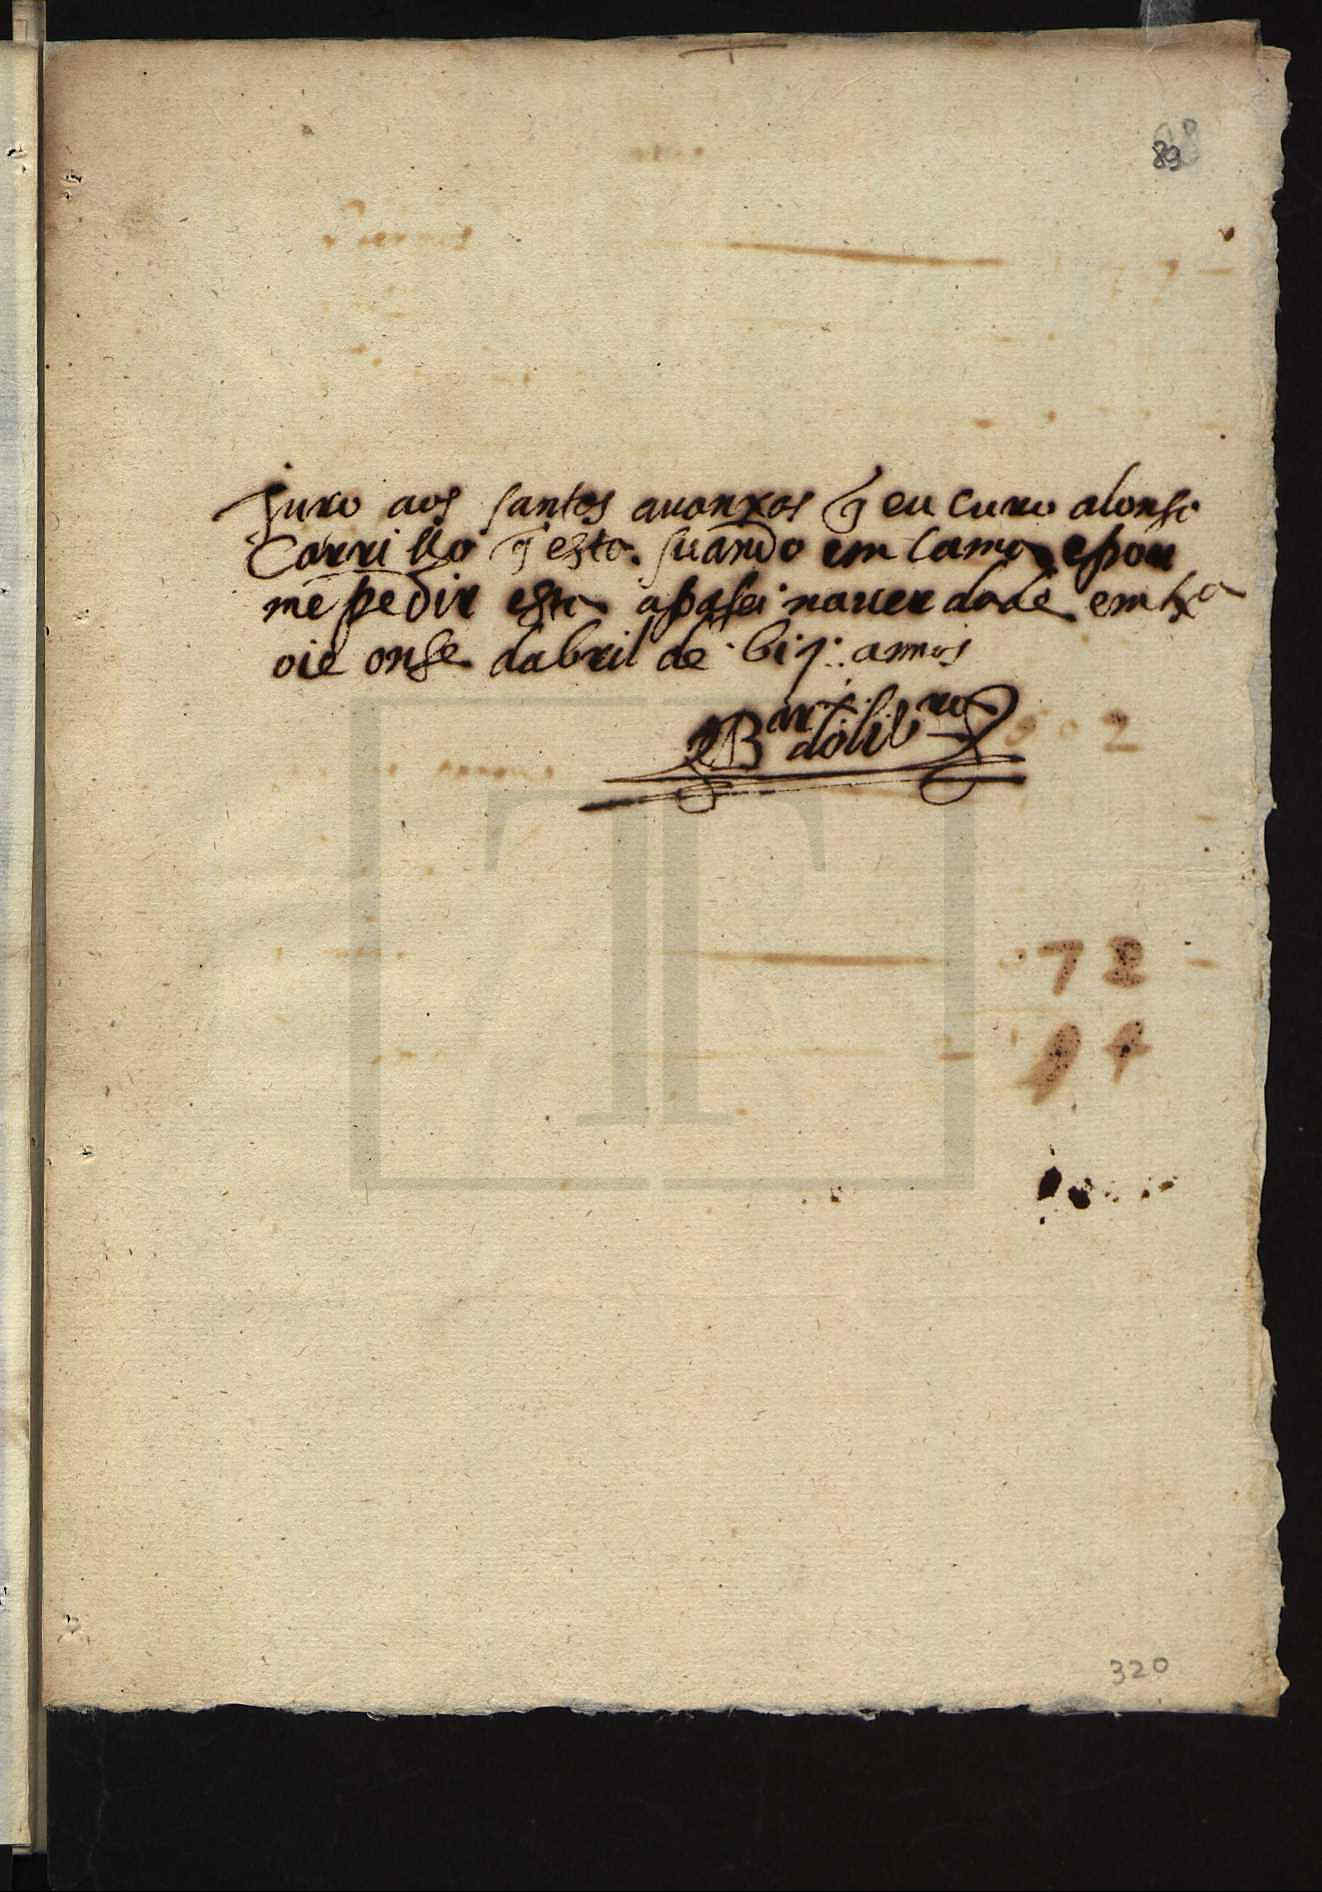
juro aos santos auanxos q̄ eu curo alonso
Carrillo q̄ esta suando em cama e por
me pedir esta a pasei na uerdade em lxa
oie onse dabril de .617. annos
Bar d̄olivra
